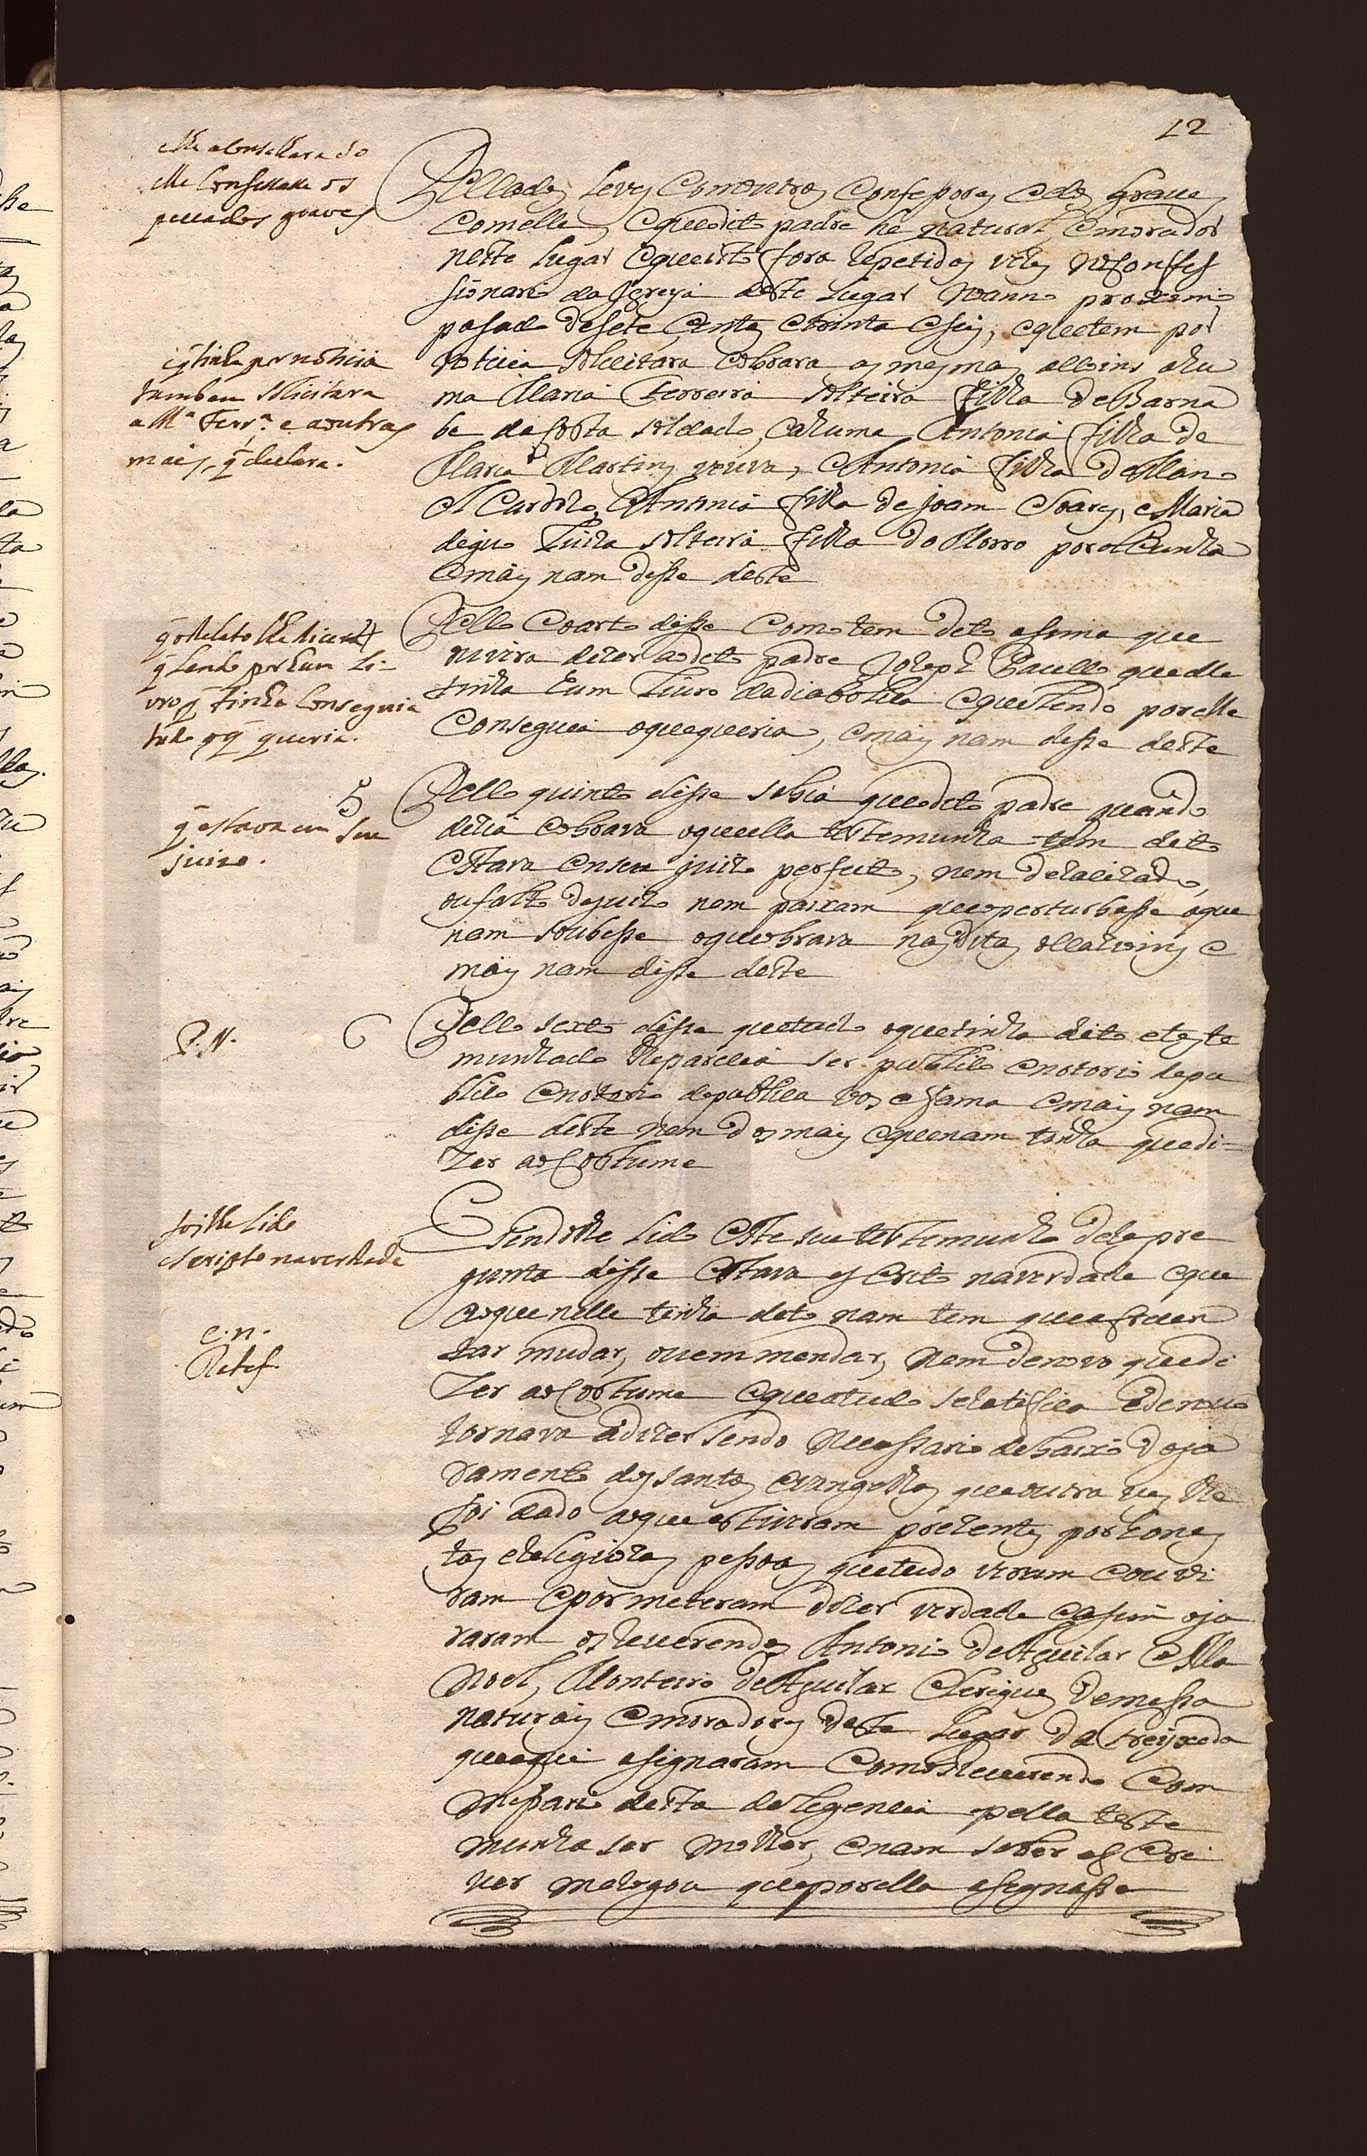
e lhe aconselhara so
elle confessasse os
peccados graues
e q̄ tinha por noticia
tambem solicitara
a Ma Ferr.a e a outras
mais, q̄ declara.
q̄ o Relato lhe dicera 4
q̄ lendo por hum Li
vro, q̄ tinha Conseguia
tudo o q̄ queria.
5
q̄ estava em seu
juizo.
6
P.N.
foi lhe lido
escripto na verdade
c. n.
Ratif.
Peccados leves com outros confessores e dos graues
com elle, e que o dito padre he natural, e morador
neste lugar e que isto fora repetidas vezes no confes
sionario da Jgreija deste Lugar no anno proximo
pasado de seteçentos e trinta e seis, e que tem por
noticia solicitara e obrara as mesmas accoins a hu
ma Maria Ferreira solteira filha de Barna
be da Costa soldado, e a huma Antonia filha de
Maria Martins veuva, e Antonia filha de Mano
el Cardozo, e Antonia filha de Joam Soares, e Maria
diguo Luiza solteira filha do Morro por alcunha
e mais nam disse deste
Pello coarto disse como tem dito asima que
ouvira dizer ao dito padre Jozeph Paullo que elle
tinha hum Liuro da diabolica e que lendo por elle
conseguia o que queria, e mais nam disse deste
Pello quinto disse sabia que o dito padre quando
dezia e obrava o que ella testemunha tem dito
estara en seu juizo perfeito, nem dezacizado
ou falto de juizo nem paixam que o perturbasse o que
nam soubesse o que obrava nas ditas occazioins e
mais nam disse deste
Pello sexto disse que tudo o que tinha dito e teste
munhado lhe parecia ser publico e notorio de pu
blico e notorio de publica vos e fama e mais nam
disse deste nem dos mais e que nam tinha que di
zer ao Costume
E sendo lhe lido este seu testemunho deza pre
gunta disse estava escrito na verdade e que
ao que nelle tinha dito nam tem que acrecen
tar mudar, ou emmendar, nem de novo que di
Zer ao Costume e que a tudo se ratifica e de novo
tornava a dizer sendo necessario debaixo de ju
ramento dos santos Evangelhos que outra uez lhe
foi dado ao que estiveram prezentes por hones
tas e Religiozas pessoas que tudo viram e ouvi
ram e pormeteram dizer verdade e asim o ju
raram os Reverendos Antonio de Aguilar E Ma
noel Monteiro de Aguilar Cleriguo de messa
naturais e moradores deste lugar da Freyxeda
que aqui asignaram como Reuerendo Com
misario desta deligencia pella teste
munha ser molher, e nam saber escre
uer me rogou que por ella asignasse
